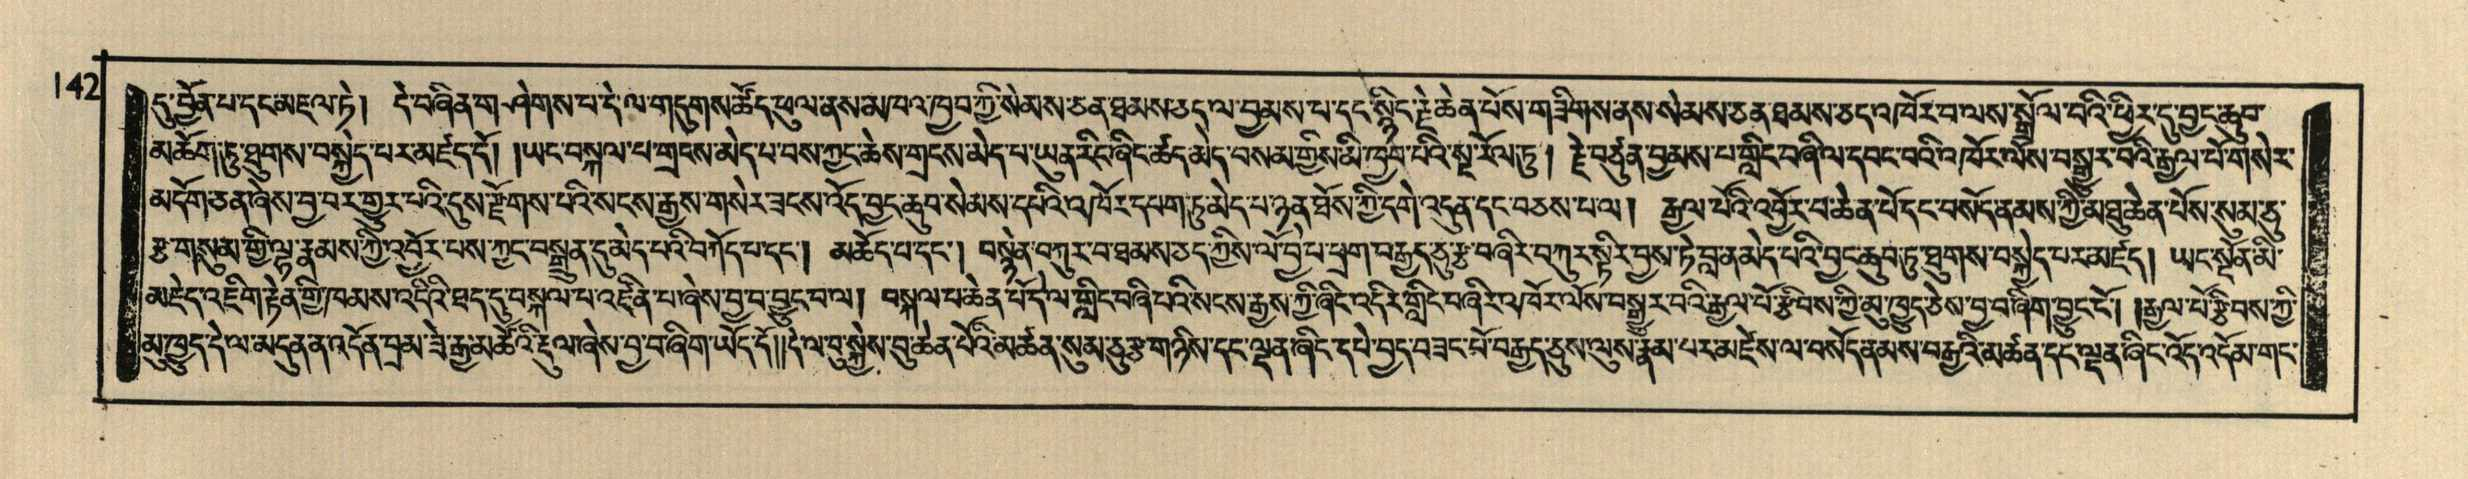དུ་བྱོན་པ་དང་མཇལ་ཏེ། དེ་བཞིན་གཤེགས་པ་དེ་ལ་གདུགས་ཚོད་ཕུལ་ནས་མཁའ་ཁྱབ་ཀྱི་སེམས་ཅན་ཐམས་ཅད་ལ་བྱམས་པ་དང་སྙིང་རྗེ་ཆེན་པོས་གཟིགས་ནས་སེམས་ཅན་ཐམས་ཅད་འཁོར་བ་ལས་སྒྲོལ་བའི་ཕྱིར་དུ་བྱང་ཆུབ་
མཆོག་ཏུ་ཐུགས་བསྐྱེད་པར་མཛད་དོ། །ཡང་བསྐལ་པ་གྲངས་མེད་པ་བས་ཀྱང་ཆེས་གྲངས་མེད་པ་ཡུན་རིང་ཞིང་ཚད་མེད་བསམ་གྱིས་མི་ཁྱབ་པའི་སྔ་རོལ་ཏུ། རྗེ་བཙུན་བྱམས་པ་གླིང་བཞི་ལ་དབང་བའི་འཁོར་ལོས་བསྒྱུར་བའི་རྒྱལ་པོ་གསེར་
མདོག་ཅན་ཞེས་བྱ་བར་གྱུར་པའི་དུས་རྫོགས་པའི་སངས་རྒྱས་གསེར་ཟངས་འོད་བྱང་ཆུབ་སེམས་དཔའི་འཁོར་དཔག་ཏུ་མེད་པ་ཉན་ཐོས་ཀྱི་དགེ་འདུན་དང་བཅས་པ་ལ། རྒྱལ་པོའི་འབྱོར་པ་ཆེན་པོ་དང་བསོད་ནམས་ཀྱི་མཐུ་ཆེན་པོས་སུམ་ཅུ་
རྩ་གསུམ་གྱི་ལྷ་རྣམས་ཀྱི་འབྱོར་པས་ཀྱང་བསྒྲུན་དུ་མེད་པའི་བཀོད་པ་དང་། མཆོད་པ་དང་། བསྙེན་བཀུར་བ་ཐམས་ཅད་ཀྱིས་ལོ་བྱེ་པ་ཕྲག་བརྒྱད་ཅུ་རྩ་བཞིར་བཀུར་སྟིར་བྱས་ཏེ་བླ་ན་མེད་པའི་བྱང་ཆུབ་ཏུ་ཐུགས་བསྐྱེད་པར་མཛད། ཡང་སྔོན་མི་
མཇེད་འཇིག་རྟེན་གྱི་ཁམས་འདིའི་ཐད་དུ་བསྐལ་པ་འཛིན་པ་ཞེས་བྱ་བ་བྱུང་བ་ལ། བསྐལ་པ་ཆེན་པོ་དེ་ལ་གླིང་བཞི་པའི་སངས་རྒྱས་ཀྱི་ཞིང་འདིར་གླིང་བཞིར་འཁོར་ལོས་བསྒྱུར་བའི་རྒྱལ་པོ་རྩིབས་ཀྱི་མུ་ཁྱུད་ཅེས་བྱ་བ་ཞིག་བྱུང་ངོ། །རྒྱལ་པོ་རྩིབས་ཀྱི་
མུ་ཁྱུད་དེ་ལ་མདུན་ན་འདོན་བྲམ་ཟེ་རྒྱ་མཚོའི་རྡུལ་ཞེས་བྱ་བ་ཞིག་ཡོད་དོ། །དེ་ལ་བུ་སྐྱེས་བུ་ཆེན་པོའི་མཚན་སུམ་ཅུ་རྩ་གཉིས་དང་ལྡན་ཞིང་དཔེ་བྱད་བཟང་པོ་བརྒྱད་ཅུས་ལུས་རྣམ་པར་མཛེས་ལ་བསོད་ནམས་བརྒྱའི་མཚན་དང་ལྡན་ཞིང་འོད་འདོམ་གང་